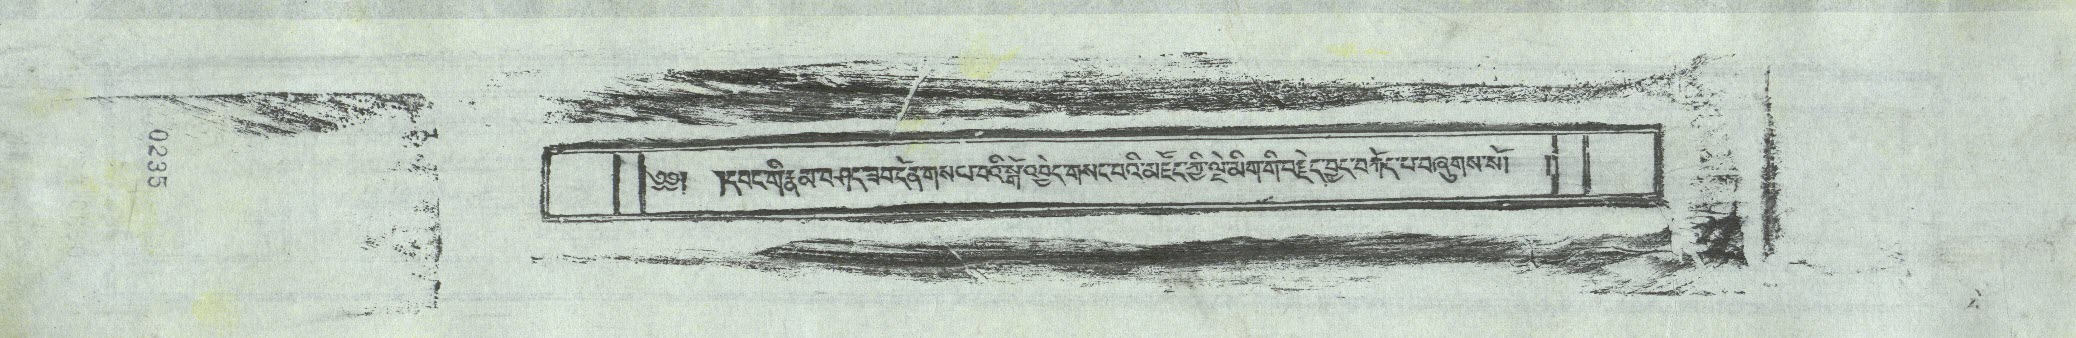༄༅། །དབང་གི་རྣམ་བཤད་ཟབ་དོན་གསལ་བའི་སྒོ་འབྱེད་གསང་བའི་མཛོད་ཀྱི་ལྡེ་མིག་གི་བརྗོད་བྱང་བཀོད་པ་བཞུགས་སོ། །